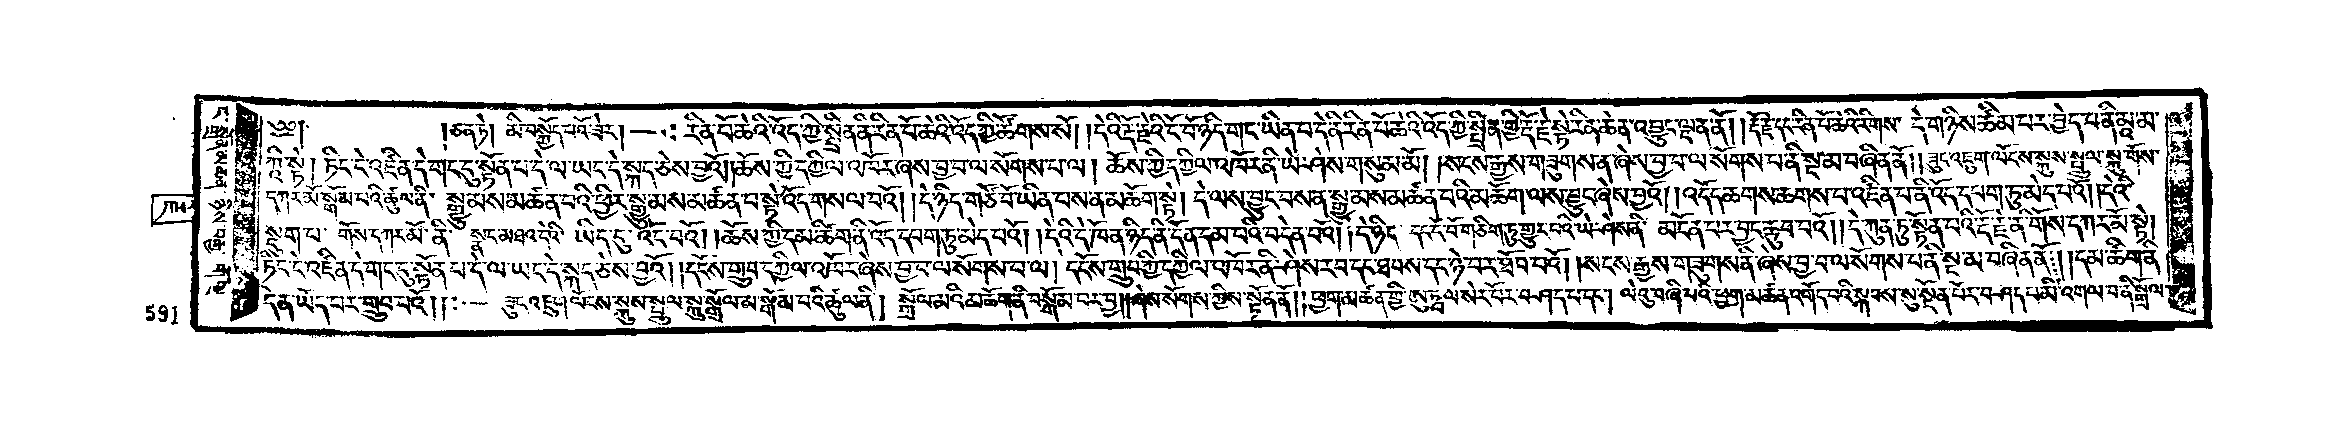༄༅། །ཅན་ཏེ། མི་བསྐྱོད་པའོ་ཟེར། .H རིན་པོ་ཆེའི་འོད་ཀྱི་སྤྲིན་ནི་རིན་པོ་ཆེའི་འོད་ཀྱི་ཚོགས་སོ། །དེའི་རྡོ་རྗེའི་ངོ་བོ་ཉིད་གང་ཡིན་པ་དེ་ནི་རིན་པོ་ཆེའི་འོད་ཀྱི་སྤྲིན་གྱི་རྡོ་རྗེ་སྟེ་རིན་ཆེན་འབྱུང་ལྡན་ནོ། ། རྡོ་རྗེ་དང་རིན་པོ་ཆེའི་རིགས་དེ་གཉིས་ཚིམ་པར་བྱེད་པ་ནི་མཱ་མ་
ཀཱི་སྟེ། ཏིང་ངེ་འཛིན་དེ་གང་དུ་སྟོན་པ་དེ་ལ་ཡང་དེ་སྐད་ཅེས་བྱའོ། །ཆོས་ཀྱི་དཀྱིལ་འཁོར་ཞེས་བྱ་བ་ལ་སོགས་པ་ལ། ཆོས་ཀྱི་དཀྱིལ་འཁོར་ནི་ཡེ་ཤེས་གསུམ་མོ། །སངས་རྒྱས་གཟུགས་ནི་ཞེས་བྱ་བ་ལ་སོགས་པ་ནི་སྔ་མ་བཞིན་ནོ། །ཟུང་འཇུག་ལོངས་སྐུས་སྤྲུལ་སྐུ་གོས་
དེ་ཀར་མོ་སྒོམ་པའི་ཚུལ་ནི་སྒྱུ་མས་མཚན་པའི་ཕྱིར་སྒྱུ་མས་མཚན་པ་སྟེ་འོད་གསལ་བའོ། །དེ་ཉིད་གཙོ་བོ་ཡིན་པས་ན་མཆོག་སྟེ། དེ་ལས་བྱུང་བས་ན་སྒྱུ་མས་མཚན་པའི་མཆོག་ལས་བྱུང་ཞེས་བྱའོ། །འདོད་ཆགས་ཆགས་པ་འཛིན་པ་ནི་འོད་དཔག་ཏུ་མེད་པའོ། །དེའི་
སྡུག་པ་གོས་དཀར་མོ་ནི་སྣང་མཐའ་དེའི་ཡིད་དུ་འོང་བའོ། །ཆོས་ཀྱི་དམ་ཚིག་ནི་འོད་དཔག་ཏུ་མེད་པའོ། །དེའི་དེ་ཁོ་ན་ཉིད་ནི་དོན་དམ་པའི་བདེན་པའོ། །དེ་ཉིད་དང་ངོ་བོ་གཅིག་ཏུ་གྱུར་པའི་ཡེ་ཤེས་ནི་མངོན་པར་བྱང་ཆུབ་པའོ། །དེ་ཀུན་ཏུ་སྟོན་པའི་རྡོ་རྗེ་ནི་གོས་དཀར་མོ་སྟེ།
ཏིང་ངེ་འཛིན་དེ་གང་དུ་སྟོན་པ་དེ་ལ་ཡང་དེ་སྐད་ཅེས་བྱའོ། །དངོས་གྲུབ་དཀྱིལ་འཁོར་ཞེས་བྱ་བ་ལ་སོགས་པ་ལ། དངོས་གྲུབ་ཀྱི་དཀྱིལ་འཁོར་ནི་ཤེས་རབ་དང་ཐབས་དང་ཉེ་བར་ཐོབ་པའོ། །སངས་རྒྱས་གཟུགས་ནི་ཞེས་བྱ་བ་ལ་སོགས་པ་ནི་སྔ་མ་བཞིན་ནོ། །དམ་ཚིག་ནི་
དེན་ཡོད་པར་གྲུབ་པའོ།། H.་ཟུང་འཇུག་ལོངས་སྐུས་སྤྲུལ་སྐུ་ཨུར་བསྒྱུར་པ།ཞེས་སོགས་ཀྱིས་སྟོན་ནོ། །ཕྱག་མཚན་གྱི་ཨུཏྤ་ལ་སེར་པོར་པའི་ཚུལ་ནི། སྒྲོལ་མའི་མཆོག་ནི་བསྒོམ་པར་བྱ། །ཞེས་སོགས་ཀྱིས་སྟོན་ནོ། །ཕྱག་མཚན་གྱི་ཨུཏྤ་ལ་སེར་པོར་བཤད་པ་དང་། ལེའུ་བཞི་པའི་ཕྱག་མཚན་འགོད་པའི་སྐབས་སུ་སྔོན་པོར་བཤད་པ་མི་འགལ་བ་ནི་སྒྲོལ་